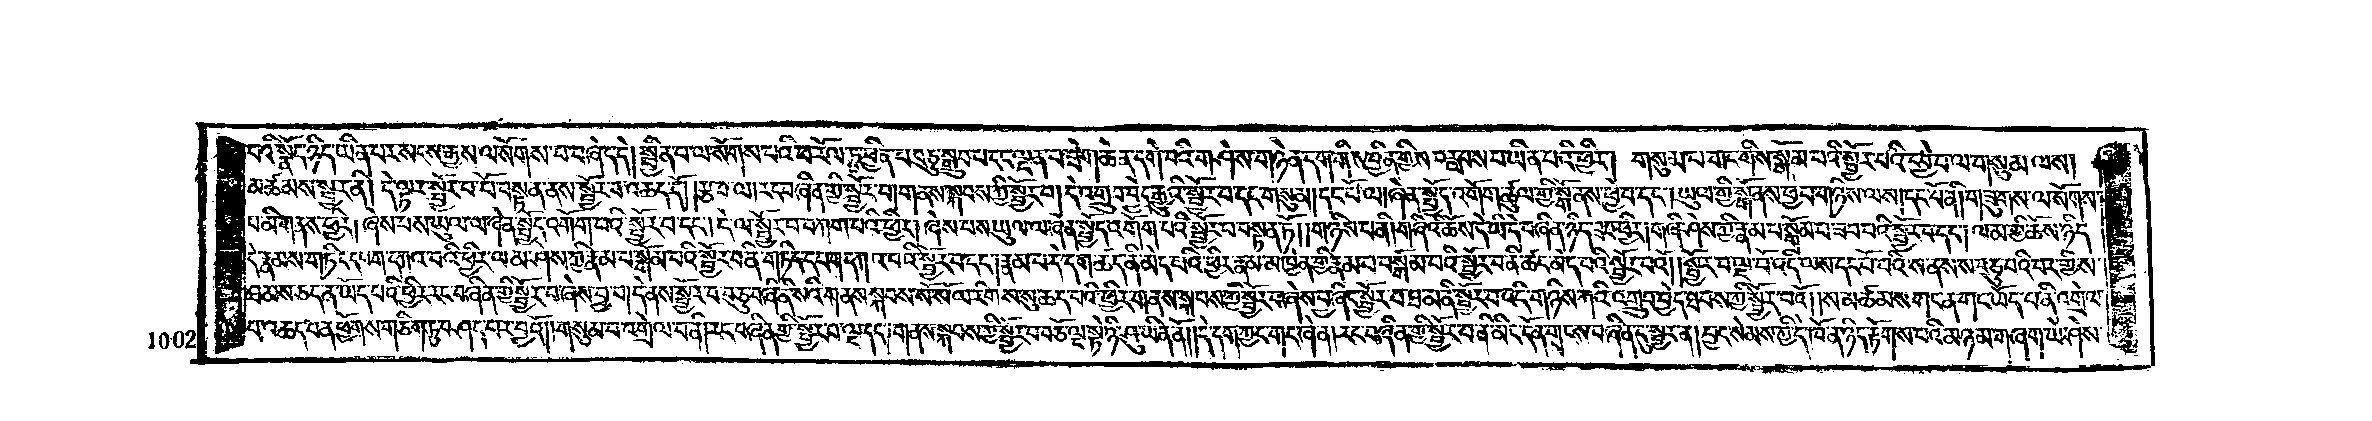པའི་སྣོད་ཉིད་ཡིན་པར་སངས་རྒྱས་ལ་སོགས་པ་བཞེད་དེ། སྦྱིན་པ་ལ་སོགས་པའི་ཕ་རོལ་ཏུ་ཕྱིན་པ་བཅུ་སྒྲུབ་པ་དང་ལྡན་པ་ཐེག་ཆེན་དགེ་བའི་བཤེས་གཉེན་དག་གིས་བྱིན་གྱིས་བརླབས་པ་ཡིན་པའི་ཕྱིར། གསུམ་པ་གང་གིས་སྒོམ་པའི་སྦྱོར་བའི་དབྱེ་བ་ལ་གསུམ་ལས།
མཚམས་སྦྱར་ནི། དེ་ལྟར་སྦྱོར་བ་པོ་བསྟན་ནས་སྦྱོར་བ་འཆད་དོ། །རྩ་བ་ལ། རང་བཞིན་གྱི་སྦྱོར་བ། གནས་སྐབས་ཀྱི་སྦྱོར་བ། དེ་འགྲུབ་བྱེད་རྒྱུའི་སྦྱོར་བ་དང་གསུམ། དང་པོ་ལ། ཞེན་སྤྱོད་འགོག་ཚུལ་གྱི་སྒོ་ནས་ཕྱེ་བ་དང་། ཡུལ་གྱི་སྒོ་ནས་ཕྱེ་བ་གཉིས་ལས། དང་པོ་ནི། གཟུགས་ལ་སོགས་
པ་མི་གནས་ཕྱིར། ཞེས་པས་ཡུལ་ལ་ཞེན་སྤྱོད་འགོག་པའི་སྦྱོར་བ་དང་། དེ་ལ་སྦྱོར་བ་བཀག་པའི་ཕྱིར། ཞེས་པས་ཡུལ་ལ་ཞེན་སྤྱོད་འགོག་པའི་སྦྱོར་བ་བསྟན་ཏོ། །གཉིས་པ་ནི། གཞིའི་ཆོས་དེ་ཡི་དེ་བཞིན་ཉིད་ཟབ་ཕྱིར། གཞི་ཤེས་ཀྱི་རྣམ་པ་སྒོམ་པ་ཟབ་པའི་སྦྱོར་བ་དང་། ལམ་གྱི་ཆོས་ཉིད་
དེ་རྣམས་གཏིང་དཔག་དཀའ་བའི་ཕྱིར་ལམ་ཤེས་ཀྱི་རྣམ་པ་སྒོམ་པའི་སྦྱོར་བ་ནི་གཏིང་དཔག་དཀའ་བའི་སྦྱོར་བ་དང་། རྣམ་པ་དེ་དག་ཚད་ནི་མེད་པའི་ཕྱིར་རྣམ་མཁྱེན་གྱི་རྣམ་པ་བསྒོམ་པའི་སྦྱོར་བ་ནི་ཚད་མེད་པའི་སྦྱོར་བའོ། །སྦྱོར་བ་ལྔ་པོ་འདི་ལས་དང་པོ་བའི་ས་ནས་ས་བཅུ་པའི་བར་གྱིས་
ཐམས་ཅད་ན་ཡོད་པའི་ཕྱིར་རང་བཞིན་གྱི་སྦྱོར་བ་ཞེས་བྱ་བ། དེ་ནས་སྦྱོར་བ་བཅུ་བཞི་ནི་སའི་གནས་སྐབས་སོ་སོ་ལ་རིགས་སུ་ཆད་པའི་ཕྱིར་གནས་སྐབས་ཀྱི་སྦྱོར་བ་ཞེས་བྱ་ཞིང་སྦྱོར་བ་ཐ་མ་ནི་སྦྱོར་བ་འདི་གཉིས་ཀའི་འགྲུབ་བྱེད་ཐབས་ཀྱི་སྦྱོར་བའོ། །ས་མཚམས་གང་ན་གང་ཡོད་པ་ནི་འགྲེལ་
བ་འཆད་པ་ན་ཕྱོགས་གཅིག་ཏུ་བཤད་པར་བྱའོ། །གསུམ་པ་འགྲེལ་བ་ནི། རང་བཞིན་གྱི་སྦྱོར་བ་ལྔ་དང་། གནས་སྐབས་ཀྱི་སྦྱོར་བ་བཅོ་ལྔ་སྟེ་ཉི་ཤུ་ཡིན་ནོ། །དེ་དག་ཀྱང་གང་ཞེ་ན། རང་བཞིན་གྱི་སྦྱོར་བ་ནི་མིང་དོན་གྲངས་བཞིན་དུ་སྦྱར་ན། བྱང་སེམས་ཀྱི་དེ་ཁོ་ན་ཉིད་རྟོགས་པའི་མཉམ་གཞག་ཡེ་ཤེས་